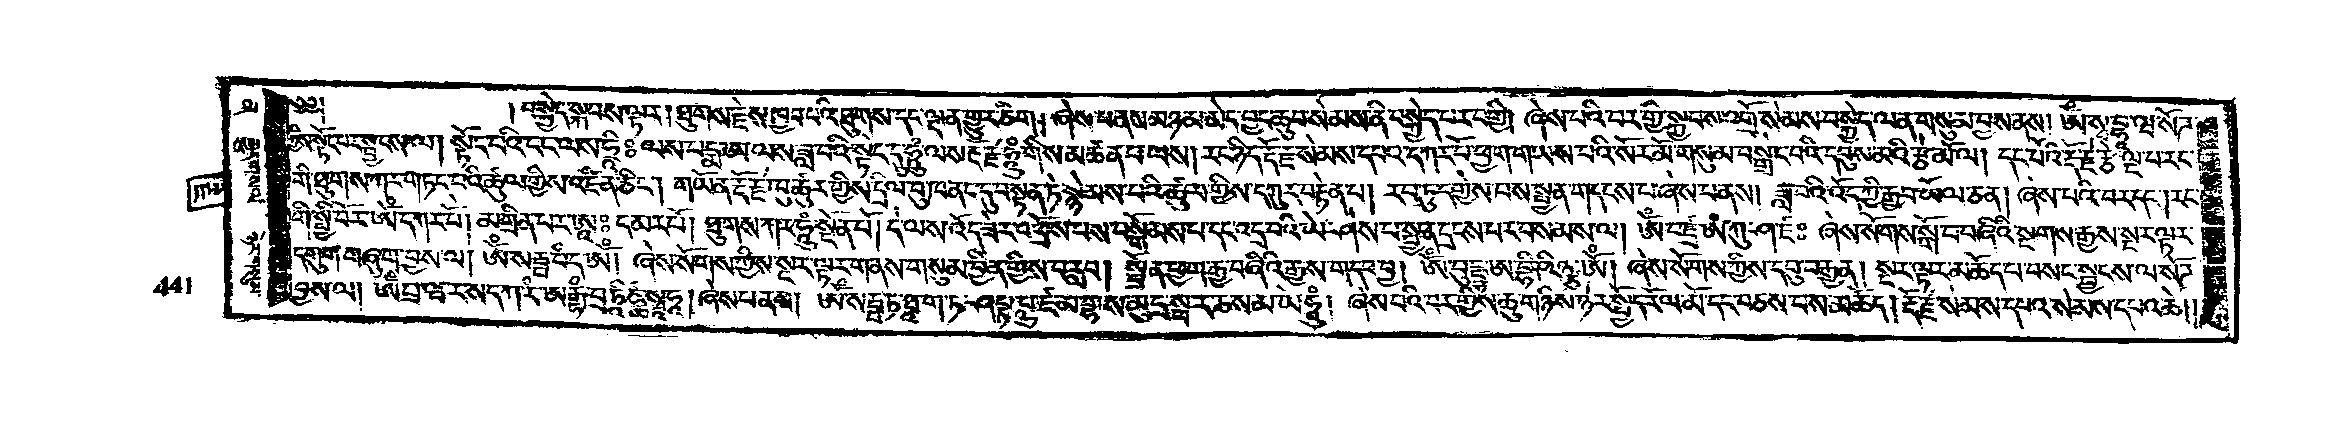༄༅། །བསྐྱེད་སྐབས་ལྟར། ཐུགས་རྗེས་ཁྱབ་པའི་ཐུགས་དང་ལྡན་གྱུར་ཅིག །ཞེས་པ་ནས་མཉམ་མེད་བྱང་ཆུབ་སེམས་ནི་བསྐྱེད་པར་བགྱི། ཞེས་པའི་བར་གྱི་སྐྱབས་འགྲོ་སེམས་བསྐྱེད་ལན་གསུམ་བྱས་ནས། ཨོཾ་སྭ་བྷཱ་ཝ་སོགས་
ཀྱིས་སྟོང་པར་སྦྱངས་ལ། སྟོང་པའི་ངང་ལས་ཧྲཱིཿ ལས་པདམ་ཨ་ལས་ཟླ་བའི་སྟེང་དུ་ཧཱུཾ་ལས་རྡོ་རྗེ་ཧཱུཾ་གིས་མཚན་པ་ལས། རང་ཉིད་རྡོ་རྗེ་སེམས་དཔའ་དཀར་པོ་ཕྱག་གཡས་པའི་སོར་མོ་གསུམ་བསྒྲེང་བའི་དབུས་མའི་རྩེ་མོ་ལ། དང་པོའི་རྡོ་རྗེ་རྩེ་ལྔ་པ་རང་
གི་ཐུགས་ཀར་གཏད་པའི་ཚུལ་གྱིས་འཛིན་ཅིང་། གཡོན་རྡོ་རྗེ་ཁུ་ཚུར་གྱིས་དྲིལ་བུ་ཁ་ནང་དུ་བསྟན་ཏེ་སྙེམས་པའི་ཚུལ་གྱིས་དཀུར་བརྟེན་པ། རབ་ཏུ་དགྱེས་པས་སྤྱན་གདངས་པ་ཞེས་པ་ནས། ཟླ་བའི་འོད་ཀྱི་རྒྱབ་ཡོལ་ཅན། ཞེས་པའི་བར་དང་། རང་
གི་སྤྱི་བོར་ཨོཾ་དཀར་པོ། མགྲིན་པར་ཨཱཿ དམར་པོ། ཐུགས་ཀར་ཧཱུཾ་སྔོན་པོ། དེ་ལས་འོད་ཟེར་འཕྲོས་པས་བསྒོམས་པ་དང་འདྲ་བའི་ཡེ་ཤེས་པ་སྤྱན་དྲངས་པར་བསམས་ལ། ཨོཾ་བཛྲ་ཨཾ་ཀུ་ཤ་ཛཿ ཞེས་སོགས་སྒོ་བ་བཞིའི་སྔགས་རྒྱས་སྔར་ལྟར་
དགུག་གཞུག་བྱས་ལ། ཨོཾ་སརྦྦ་བདཾ་ཨོཾ། ཞེས་སོགས་ཀྱིས་སྔར་ལྟར་གནས་གསུམ་བྱིན་གྱིས་བརླབ། སྤྲེ་ན་ཕྱག་རྒྱ་བཞིའི་རྒྱས་གདབ་བྱ། ཨོཾ་བུདྡྷ་ཨ་བྷི་ཥིཉྩ་ཨོཾ། ཞེས་སོགས་ཀྱིས་དབུ་བརྒྱན། སྔར་ལྟར་མཆོད་པ་བསད་སྦྱངས་ལ་སོགས་
བྱས་ལ། ཨོཾ་པྲ་ཝ་ར་སད་ཀ་རཾ་ཨརྒྷཾ་པྲ་ཏཱི་ཙྪ་སྭཱ་ཧཱ། ཞེས་པ་ནས། ཨོཾ་སརྦྦ་ཏ་ཐཱ་ག་ཏ་ཤཔྟ་པཱུ་?་ཛ་མ་གྷ་ས་མུ་དྲ་སྔར་ཎ་ས་མ་ཡེ་ཧཱུཾ། ཞེས་པའི་བར་གྱིས་ཆུ་གཉིས་ཉེར་སྤྱོད་རོལ་མོ་དང་བཅས་པས་མཆོད། རྡོ་རྗེ་སེམས་དཔའ་སེམས་དཔའ་ཆེ།།